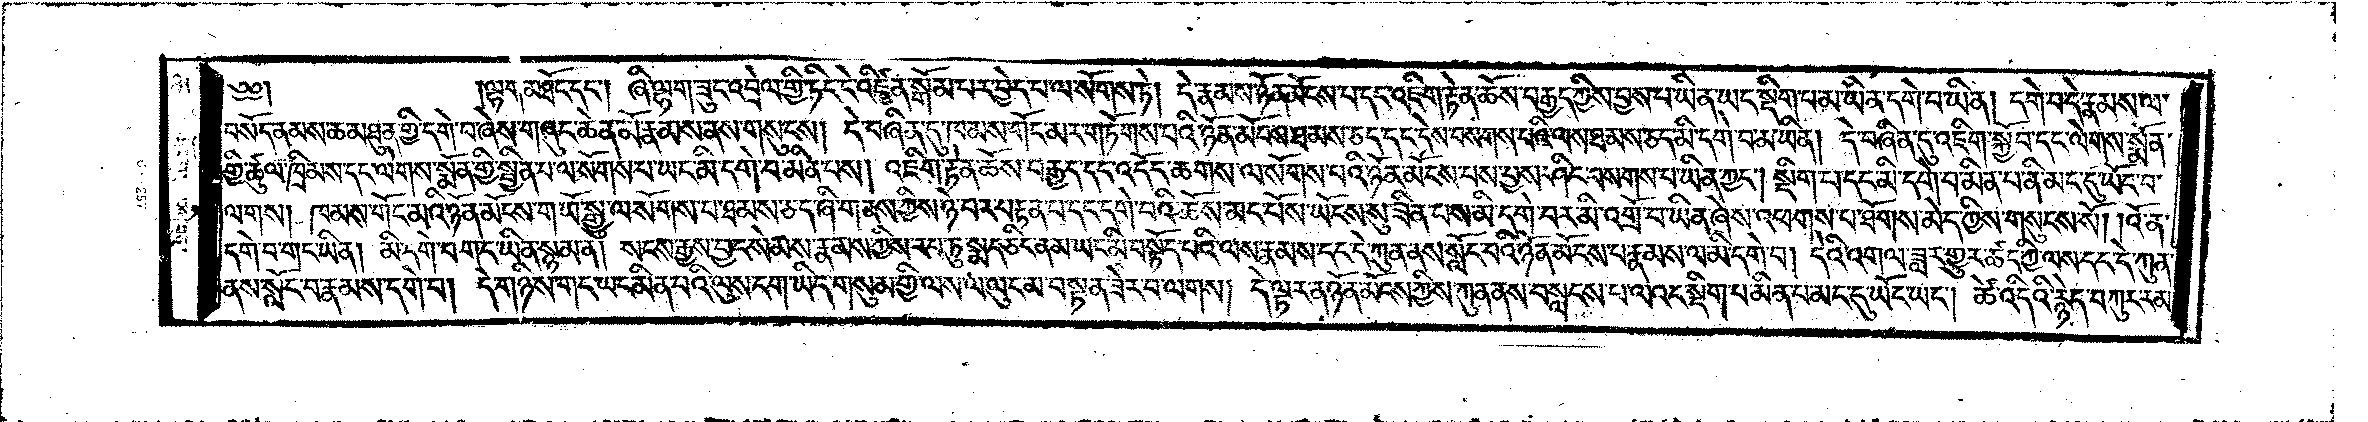༄༅། །ལྷག་མཐོང་དང་། ཞི་ལྷག་ཟུང་འབྲེལ་གྱི་ཏིང་ངེ་འཛིན་སྒོམ་པར་བྱེད་པ་ལ་སོགས་ཏེ། དེ་རྣམས་ཉོན་མོངས་པ་དང་འཇིག་རྟེན་ཆོས་བརྒྱད་ཀྱི་བྱས་པ་ཡིན་ཡང་སྡིག་པ་མ་ཡིན་དགེ་བ་ཡིན། དགེ་བ་དེ་རྣམས་ལ་
བསོད་ནམས་ཆ་མཐུན་གྱི་དགེ་བ་ཞེས་གཞུང་ཆེན་མོ་རྣམས་ནས་གསུངས། དེ་བཞིན་དུ་ཁམས་གོང་མར་གཏོགས་པའི་ཉོན་མོངས་ཐམས་ཅད་དང་དེས་བསགས་པའི་ལས་ཐམས་ཅད་མི་དགེ་བ་མ་ཡིན། དེ་བཞིན་དུ་འཇིག་སྐྱོ་བ་དང་ལེགས་སྨོན་
གྱི་ཚུལ་ཁྲིམས་དང་ལེགས་སྨོན་གྱི་སྦྱིན་པ་ལ་སོགས་པ་ཡང་མི་དགེ་བ་མིན་པས། འཇིག་རྟེན་ཆོས་བརྒྱད་དང་འདོད་ཆགས་ལ་སོགས་པའི་ཉོན་མོངས་པས་བྱས་ཤིང་བསགས་པ་ཡིན་ཀྱང་། སྡིག་པ་དང་མི་དགེ་བ་མིན་པ་ནི་མང་དུ་ཡོང་པ་
ལགས། ཁམས་གོང་མའི་ཉོན་མོངས་གཡོ་སྒྱུ་ལ་སོགས་པ་ཐམས་ཅད་ཞི་གནས་ཀྱིས་ཉེ་བར་བརྟེན་པ་དང་དགེ་བའི་ཆོས་མང་པོས་ཡོངས་སུ་ཟིན་པས་མི་དགེ་བར་མི་འགྲོ་བ་ཡིན་ཞེས་འཕགས་པ་ཐོགས་མེད་ཀྱིས་གསུངས་སོ། །འོ་ན་
དགེ་བ་གང་ཡིན། མི་དགེ་བ་གང་ཡིན་སྙམ་ན། སངས་རྒྱས་བྱང་སེམས་རྣམས་ཀྱིས་རབ་ཏུ་སྨད་ཅིང་ནམ་ཡང་མི་བསྟོད་པའི་ལས་རྣམས་དང་དེ་ཀུན་ནས་སློང་བའི་ཉོན་མོངས་པ་རྣམས་ལ་མི་དགེ་བ། དེའི་འགལ་ཟླར་ཚད་ཀྱི་ལས་དང་དེ་ཀུན་
ནས་སློང་བ་རྣམས་དགེ་བ། དེ་གཉིས་གང་ཡང་མིན་པའི་ལུས་ངག་ཡིད་གསུམ་གྱི་ལས་ལ་ལུང་མ་བསྟན་ཟེར་བ་ལགས། དེ་ལྟར་ན་ཉོན་མོངས་ཀྱིས་ཀུན་ནས་བསླངས་པ་ལའང་སྡིག་པ་མིན་པ་མང་དུ་ཡོང་ཡང་། ཚེ་འདིའི་རྙེད་བཀུར་རམ་